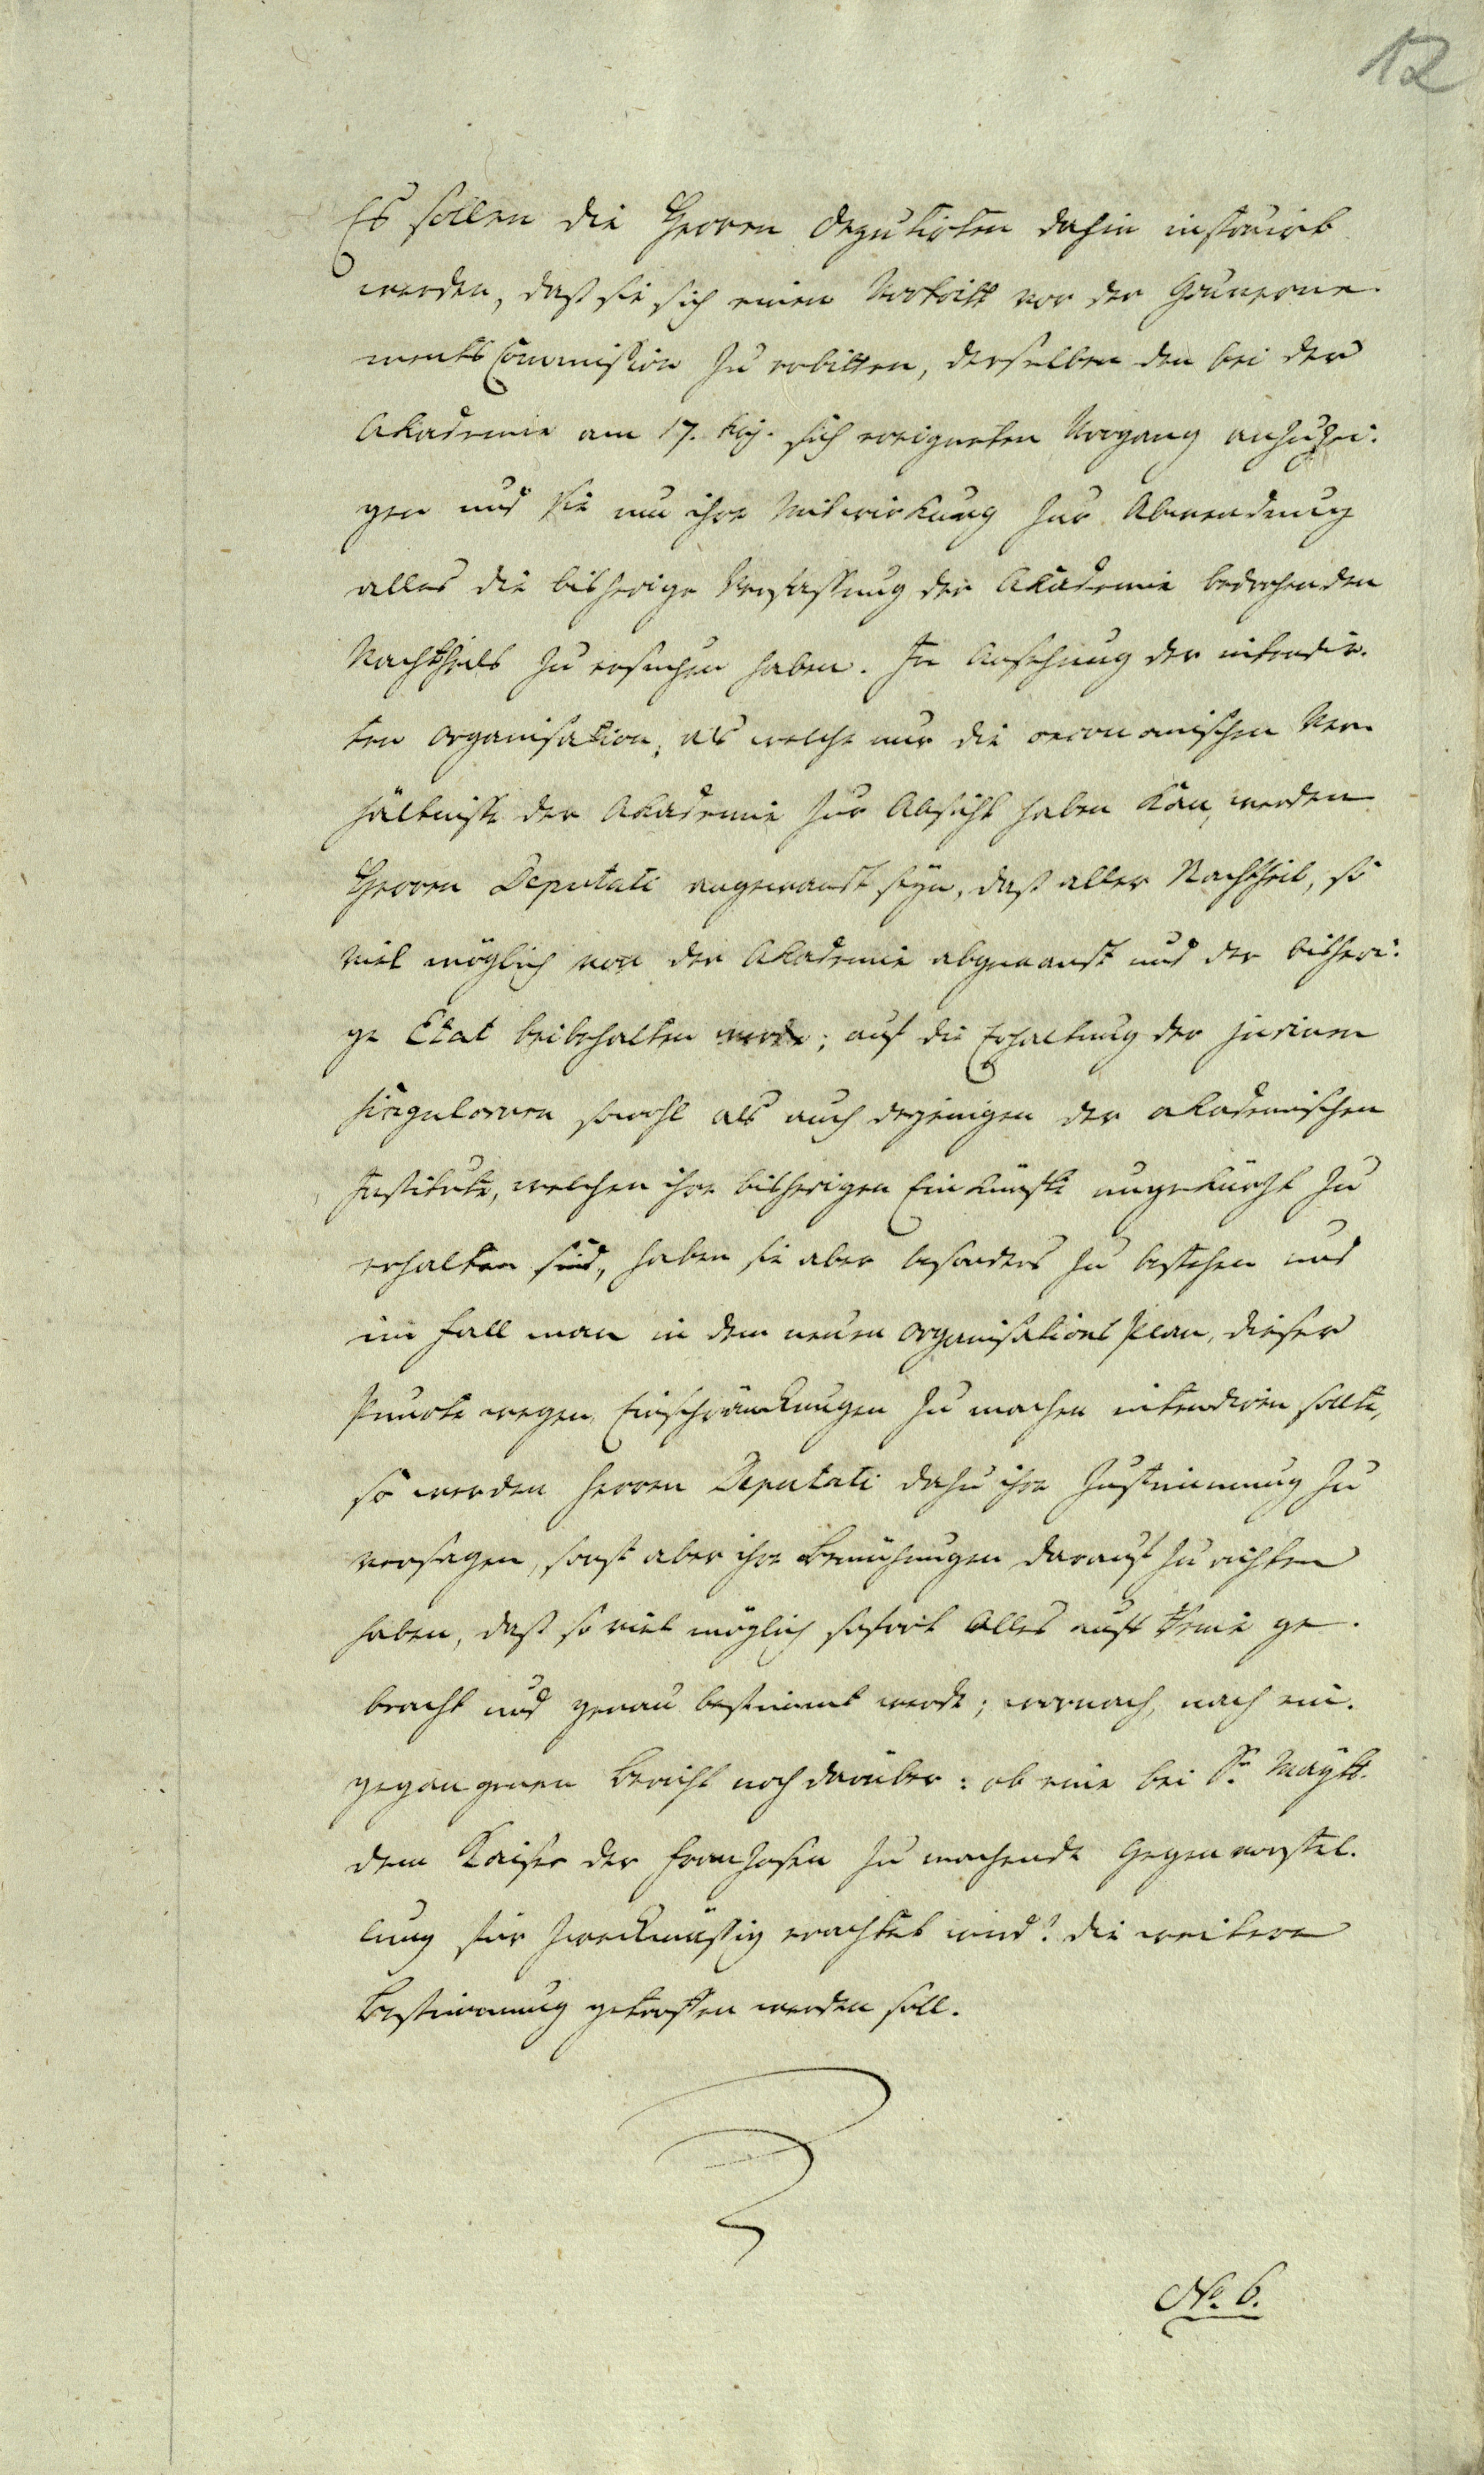Es sollen die Herren Deputirten dahin instruiret
werden, daß sie sich einen Vortritt vor der Gouverne¬
ments Commission zu erbitten, derselben den bei der
Akademie am 17. huj. sich ereigneten Vorgang anzuzei¬
gen und sie um ihre Mitwirkung zur Abwendung
alles die bisherige Verfassung der Akademie bedrohenden
Nachtheils zu ersuchen haben. In Ansehung der intendir¬
ten Organisation, als welche nur die oeconomischen Ver¬
hältisse der Akademie zur Absicht haben kan, werden
Herren Deputati angewandt seÿn, daß aller Nachtheil, so
viel möglich von der Akademie abgewandt und der bisheri¬
ge Etat beibehalten werde; auf die Erhaltung der jurium
singulorum sowohl als auch derjenigen der akademischen
Institute, welchen ihre bisherigen Einkünfte ungekürzt zu
erhalten sind, haben sie aber besonders zu bestehen und
im Fall man in dem neuen Organisations Plan, dieser
Puncte wegen Einschränkungen zu machen intendiren sollte,
so werden Herren Deputati dazu ihre Zustimmung zu
versagen, sonst aber ihre Bemühungen darauf zu richten
haben, daß so viel möglich sofort Alles aufs Reine ge¬
bracht und genau bestimmt werde; wornach, nach ein¬
gegangenen Bericht noch darüber: ob eine bei Sr Maÿtt.
dem Kaiser der Franzosen zu machende Gegenvorstel¬
lung für zweckmässig erachtet wird? die weitere
Bestimmung getroffen werden soll.
Nº 6.